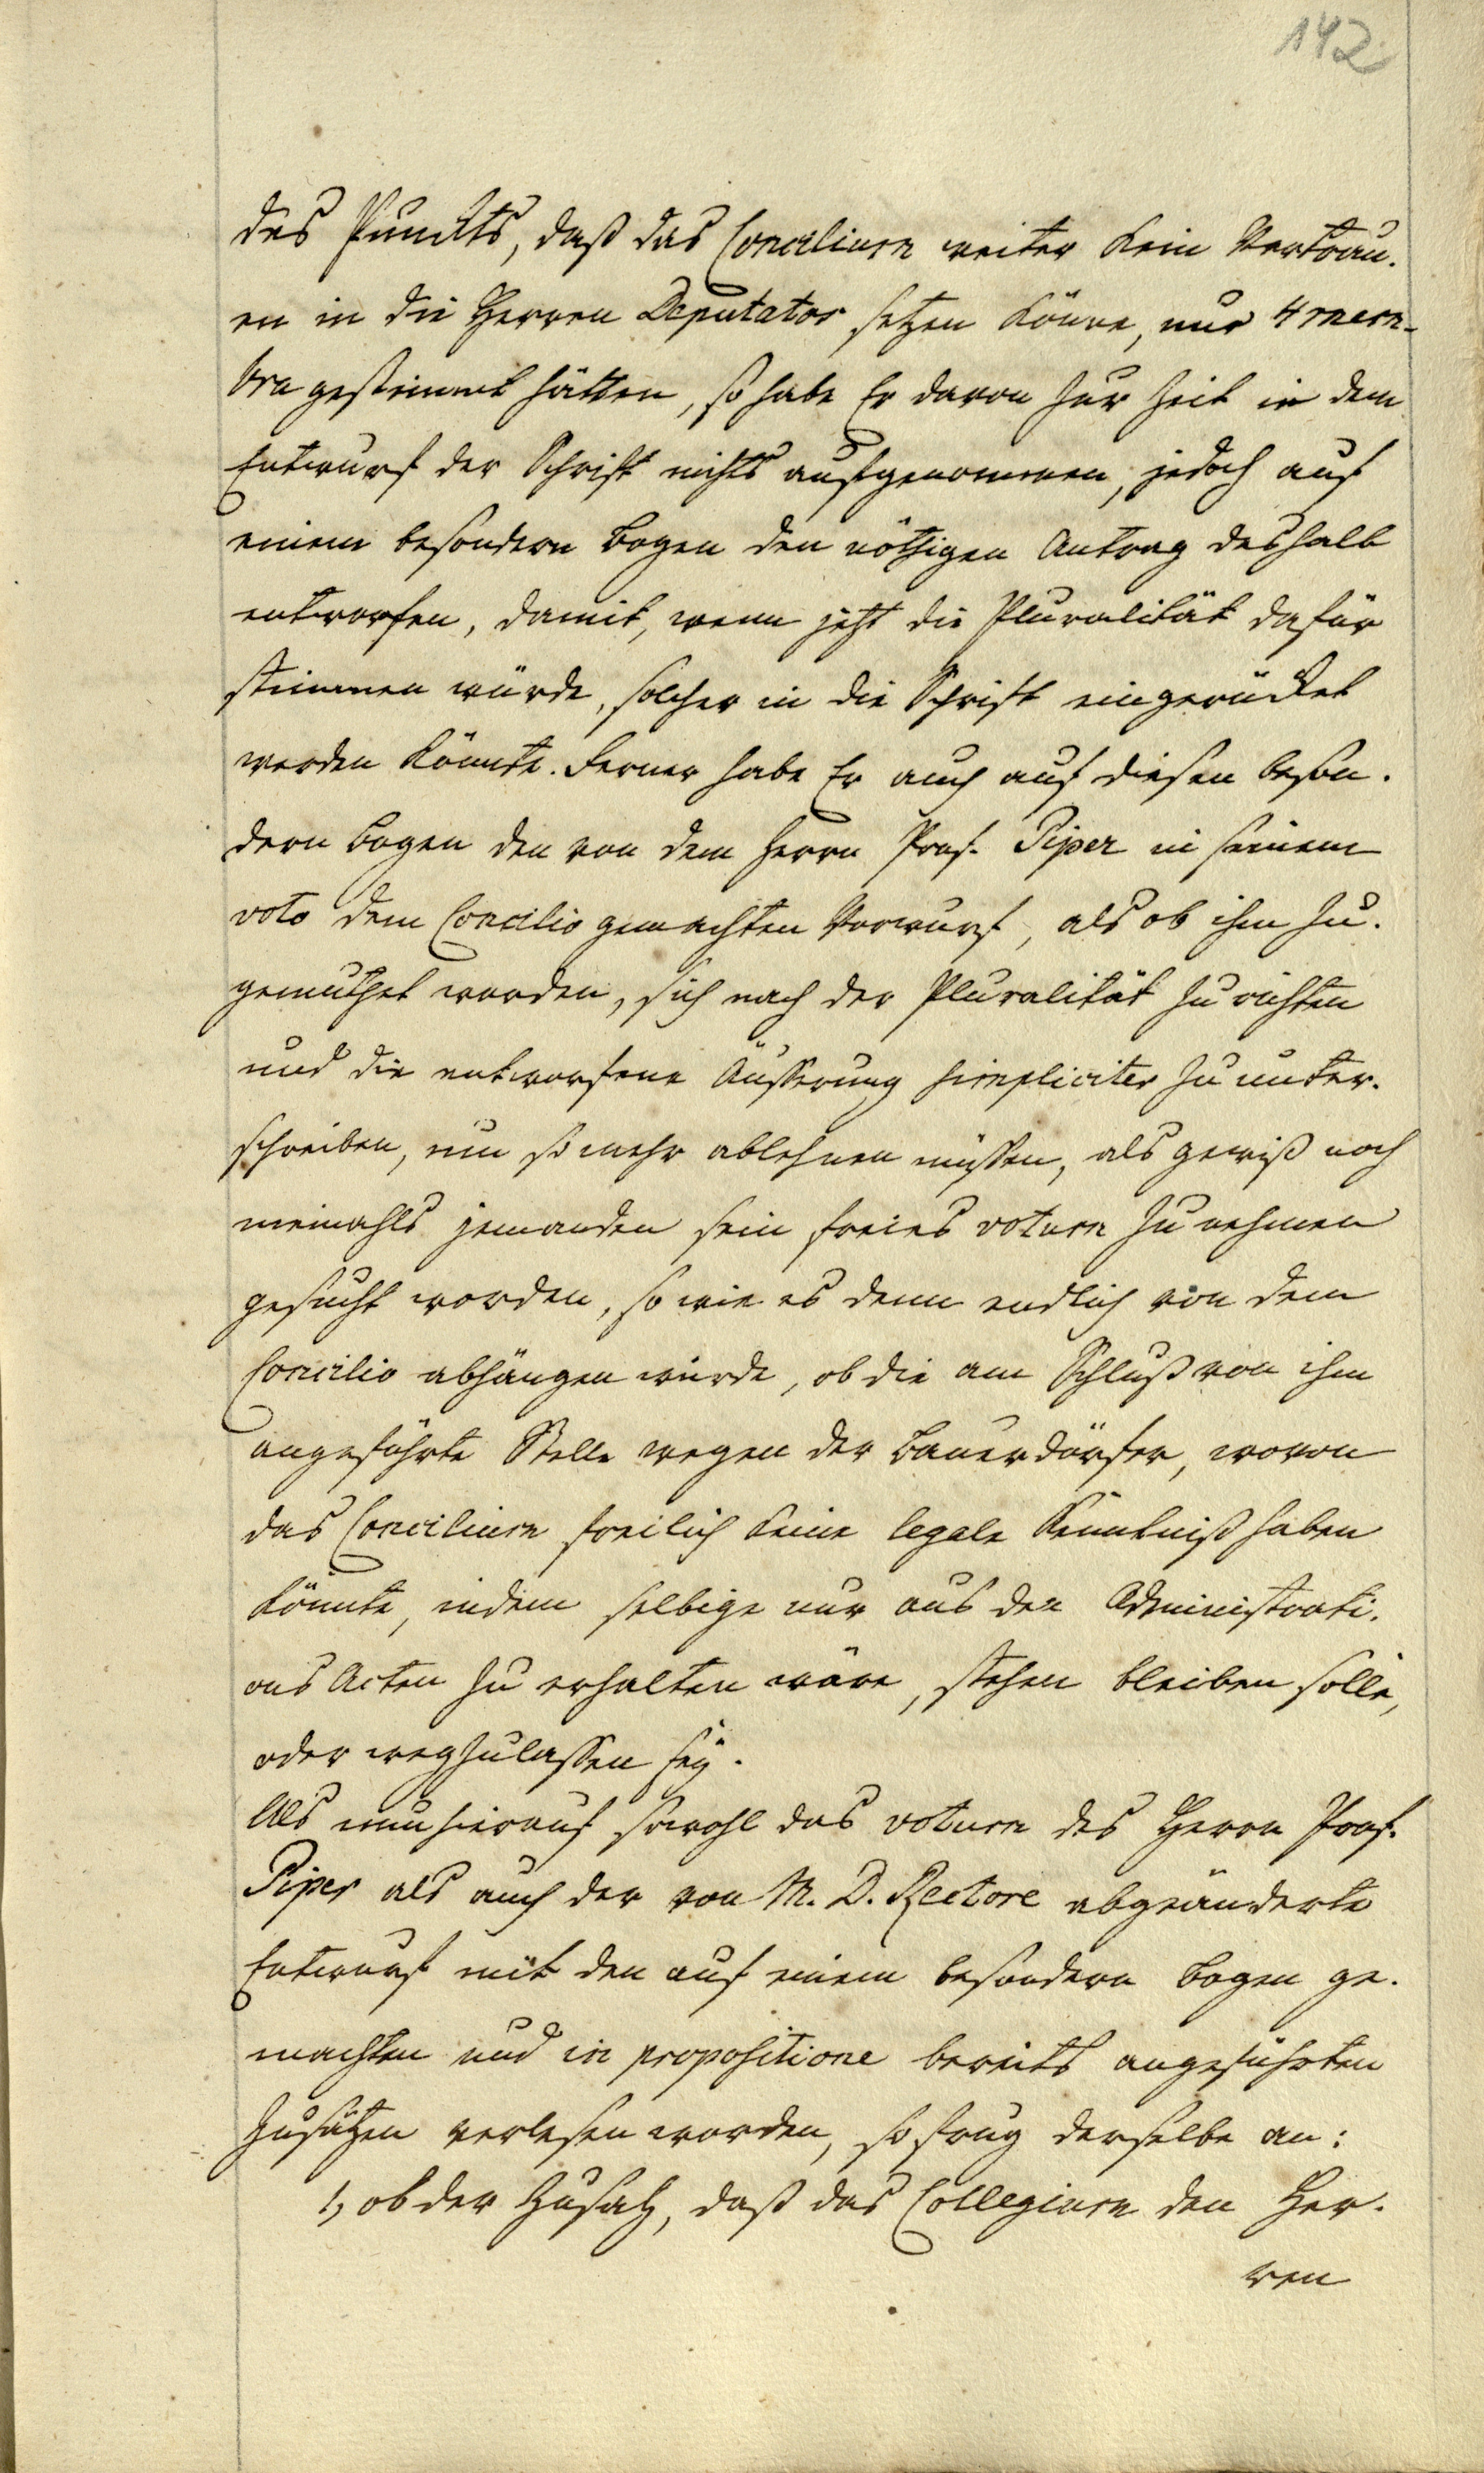des Punckts, daß das Concilium weiter kein Vertrau¬
en in die Herren Deputatos setzen könne, nur 4 mem¬
bra gestimmt hätten, so habe Er davon zur Zeit in dem
Entwurf der Schrift nichts aufgenommen, jedoch auf
einem besondern Bogen den nöthigen Antrag deshalb
entworfen, damit, wenn jetzt die Pluralität dafür
stimmen würde, solcher in die Schrift eingerücket
werden könnte. Ferner habe Er auch auf diesen beson¬
dern Bogen den von dem Herrn Prof. Piper in seinem
voto dem Concilio gemachten Vorwurf, als ob ihm zu¬
gemuthet worden, sich nach der Pluralität zu richten
und die entworfene Äusserung simpliciter zu unter¬
schreiben, um so mehr ablehnen müssen, als gewiß noch
niemahls jemanden sein freies votum zu nehmen
gesucht worden, so wie es denn endlich von dem
Concilio abhängen würde, ob die am Schluß von ihm
angeführte Stelle wegen der Bauerdörfer, wovon
das Concilium freilich keine legale Kenntniß haben
könnte, indem selbige nur aus den Administrati¬
ons Acten zu erhalten wäre, stehen bleiben solle
oder wegzulassen seÿ.
Als nun hierauf sowohl das votum des Herrn Prof.
Piper als auch der von M. D. Rectore abgeänderte
Entwurf mit den auf einem besondern Bogen ge¬
machten und in propositione bereits angeführten
Zusätzen verlesen worden, so frug derselbe an:
1, ob der Zusatz, daß das Collegium den Her¬
ren